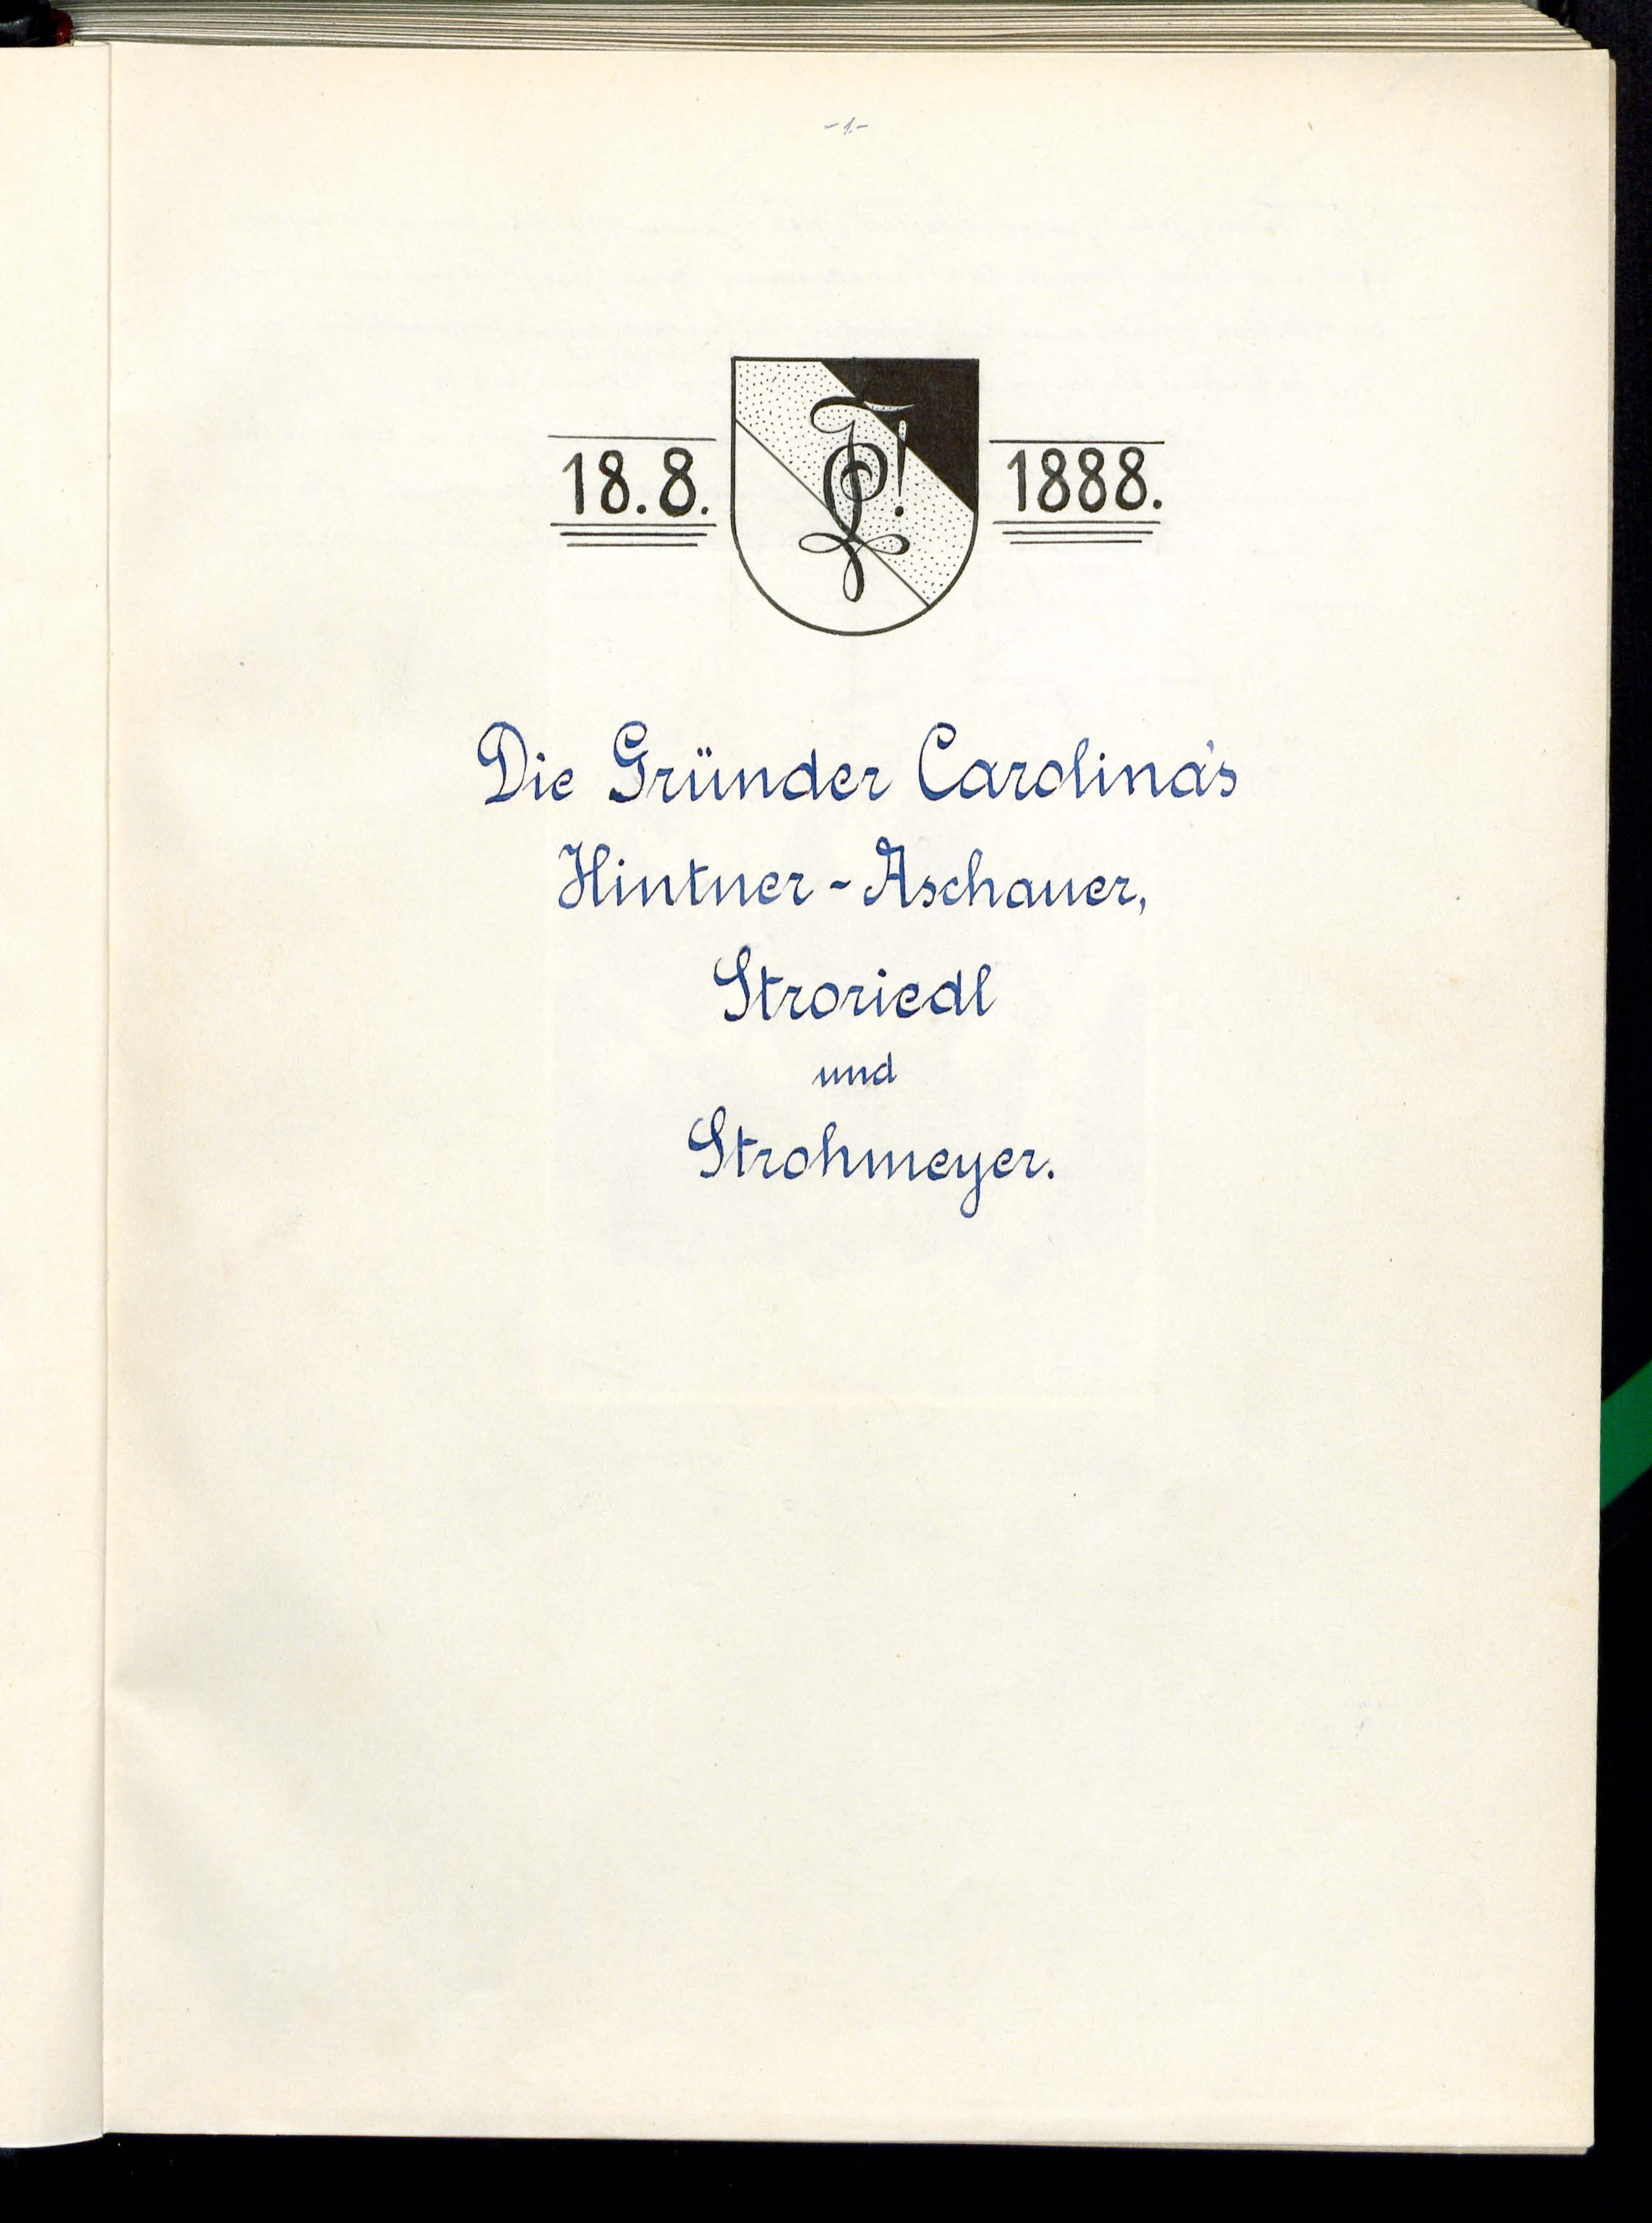18.8.
1888.
Die Gründer Carolina's
Hintner-Aschauer,
Stroriedl
und
Strohmeyer.